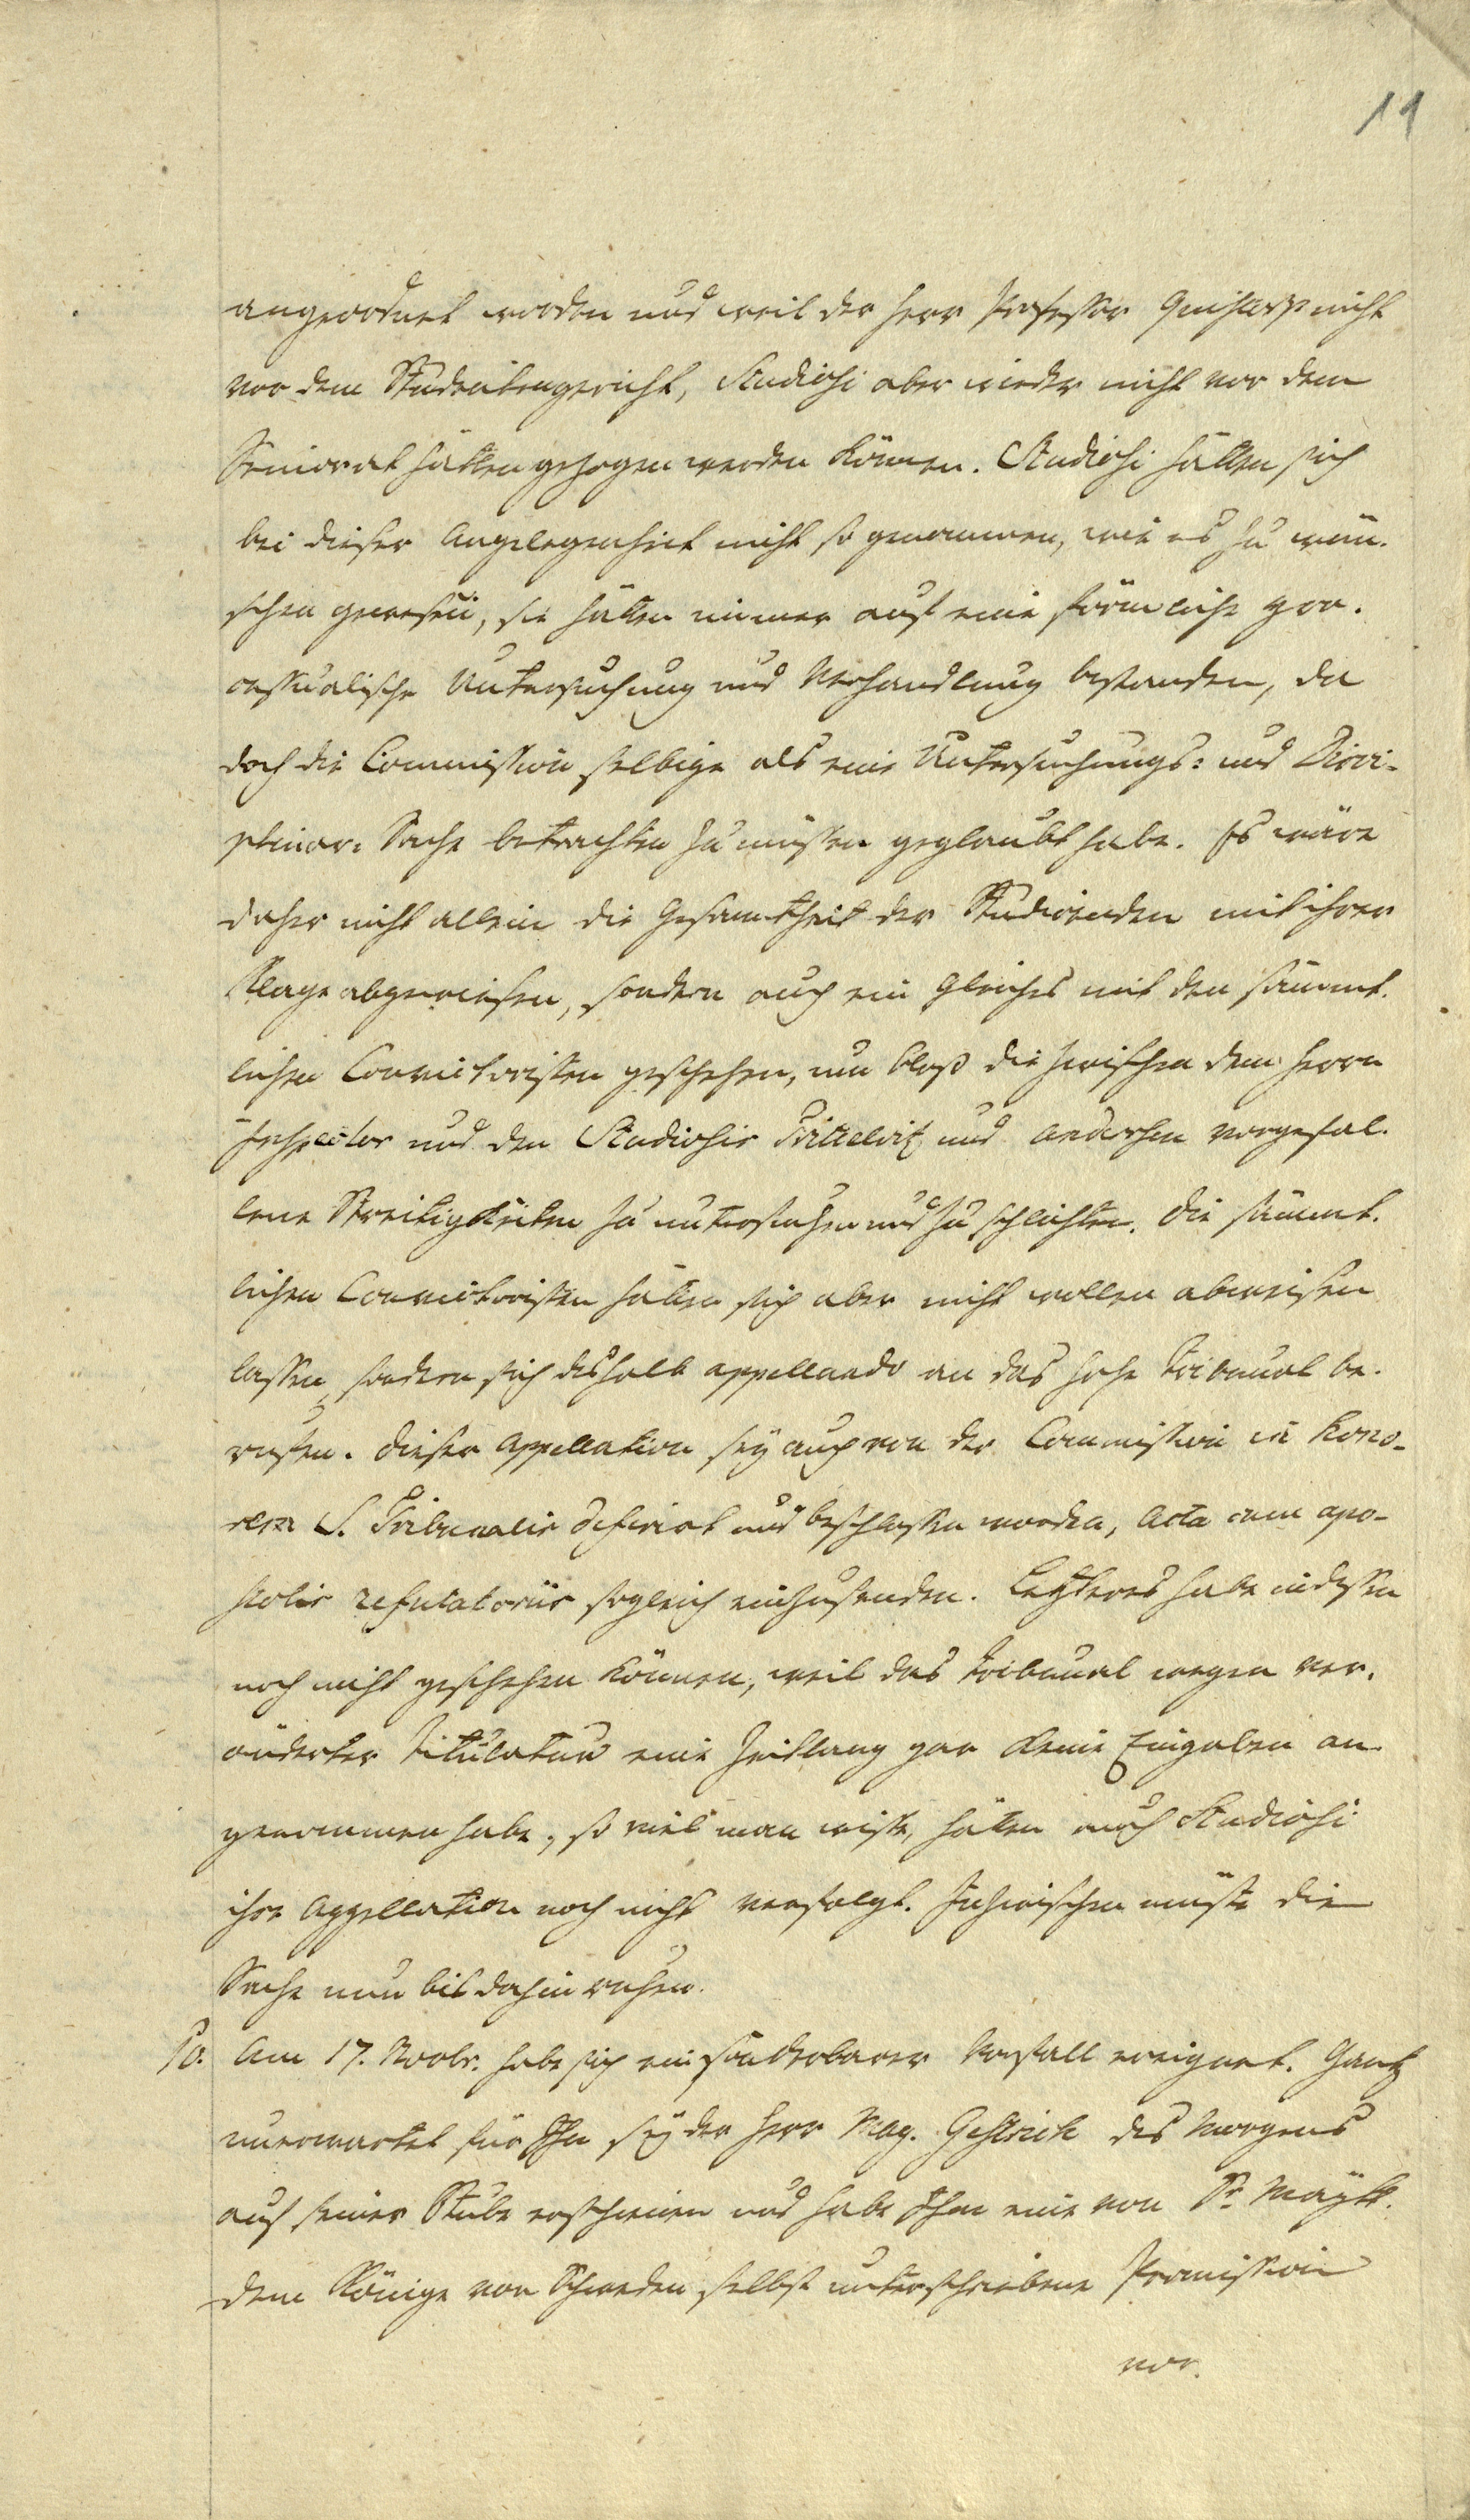angeordnet worden und weil der Herr Professor Quistorp nicht
vor dem Studentengericht, Studiosi aber wieder nicht vor dem
Seniorat hätten gezogen werden können. Studiosi hätten sich
bei dieser Angelegenheit nicht so genommen, wie es zu wün¬
schen gewesen, sie hätten immer auf eine förmliche pro¬
cessualische Untersuchung und Verhandlung bestanden, da
doch die Commission selbige als eine Untersuchungs- und Disci¬
plinar- Sache betrachten zu müssen geglaubt habe. Es wäre
daher nicht allein die Gesamtheit der Studirenden mit ihrer
Klage abgewiesen, sondern auch ein gleiches mit den sämmt¬
lichen Convictoristen geschehen, um bloß die zwischen dem Herrn
Inspector und den Studiosis Trittelvitz und Andersen vorgefal¬
lene Streitigkeiten zu untersuchen und zu schlichten. Die sämmt¬
lichen Convictoristen haben sich aber nicht wollen abweisen
lassen, sondern sich deshalb appelando an des hohe Tribunal be¬
rufen. Dieser Appellation seÿ auch von der Commission in hono¬
rem S. Tribunalie deferirt und beschlossen worden, Acta cum apo¬
stolis refutatoriis sogleich einzusenden. Letzteres habe indessen
noch nicht geschehen können, weil das Tribunal wegen ver¬
änderter Titulatur eine Zeitlang gar keine Eingaben an¬
genommen habe, so viel man wisse, haben auch Studiosi
ihre Appellation noch nicht verfolgt. Inzwischen müßte die
Sache nun bis dahin ruhen.
10. Am 17. Novbr. habe sich ein sonderbarer Vorfall ereignet. Gantz
unerwartet für Ihn seÿ der Herr Mag. Gestrich des Morgens
auf seiner Stube erschienen und habe Ihm eine von Sr Maÿtt.
dem Könige von Schweden selbst unterschriebene Permission
vor